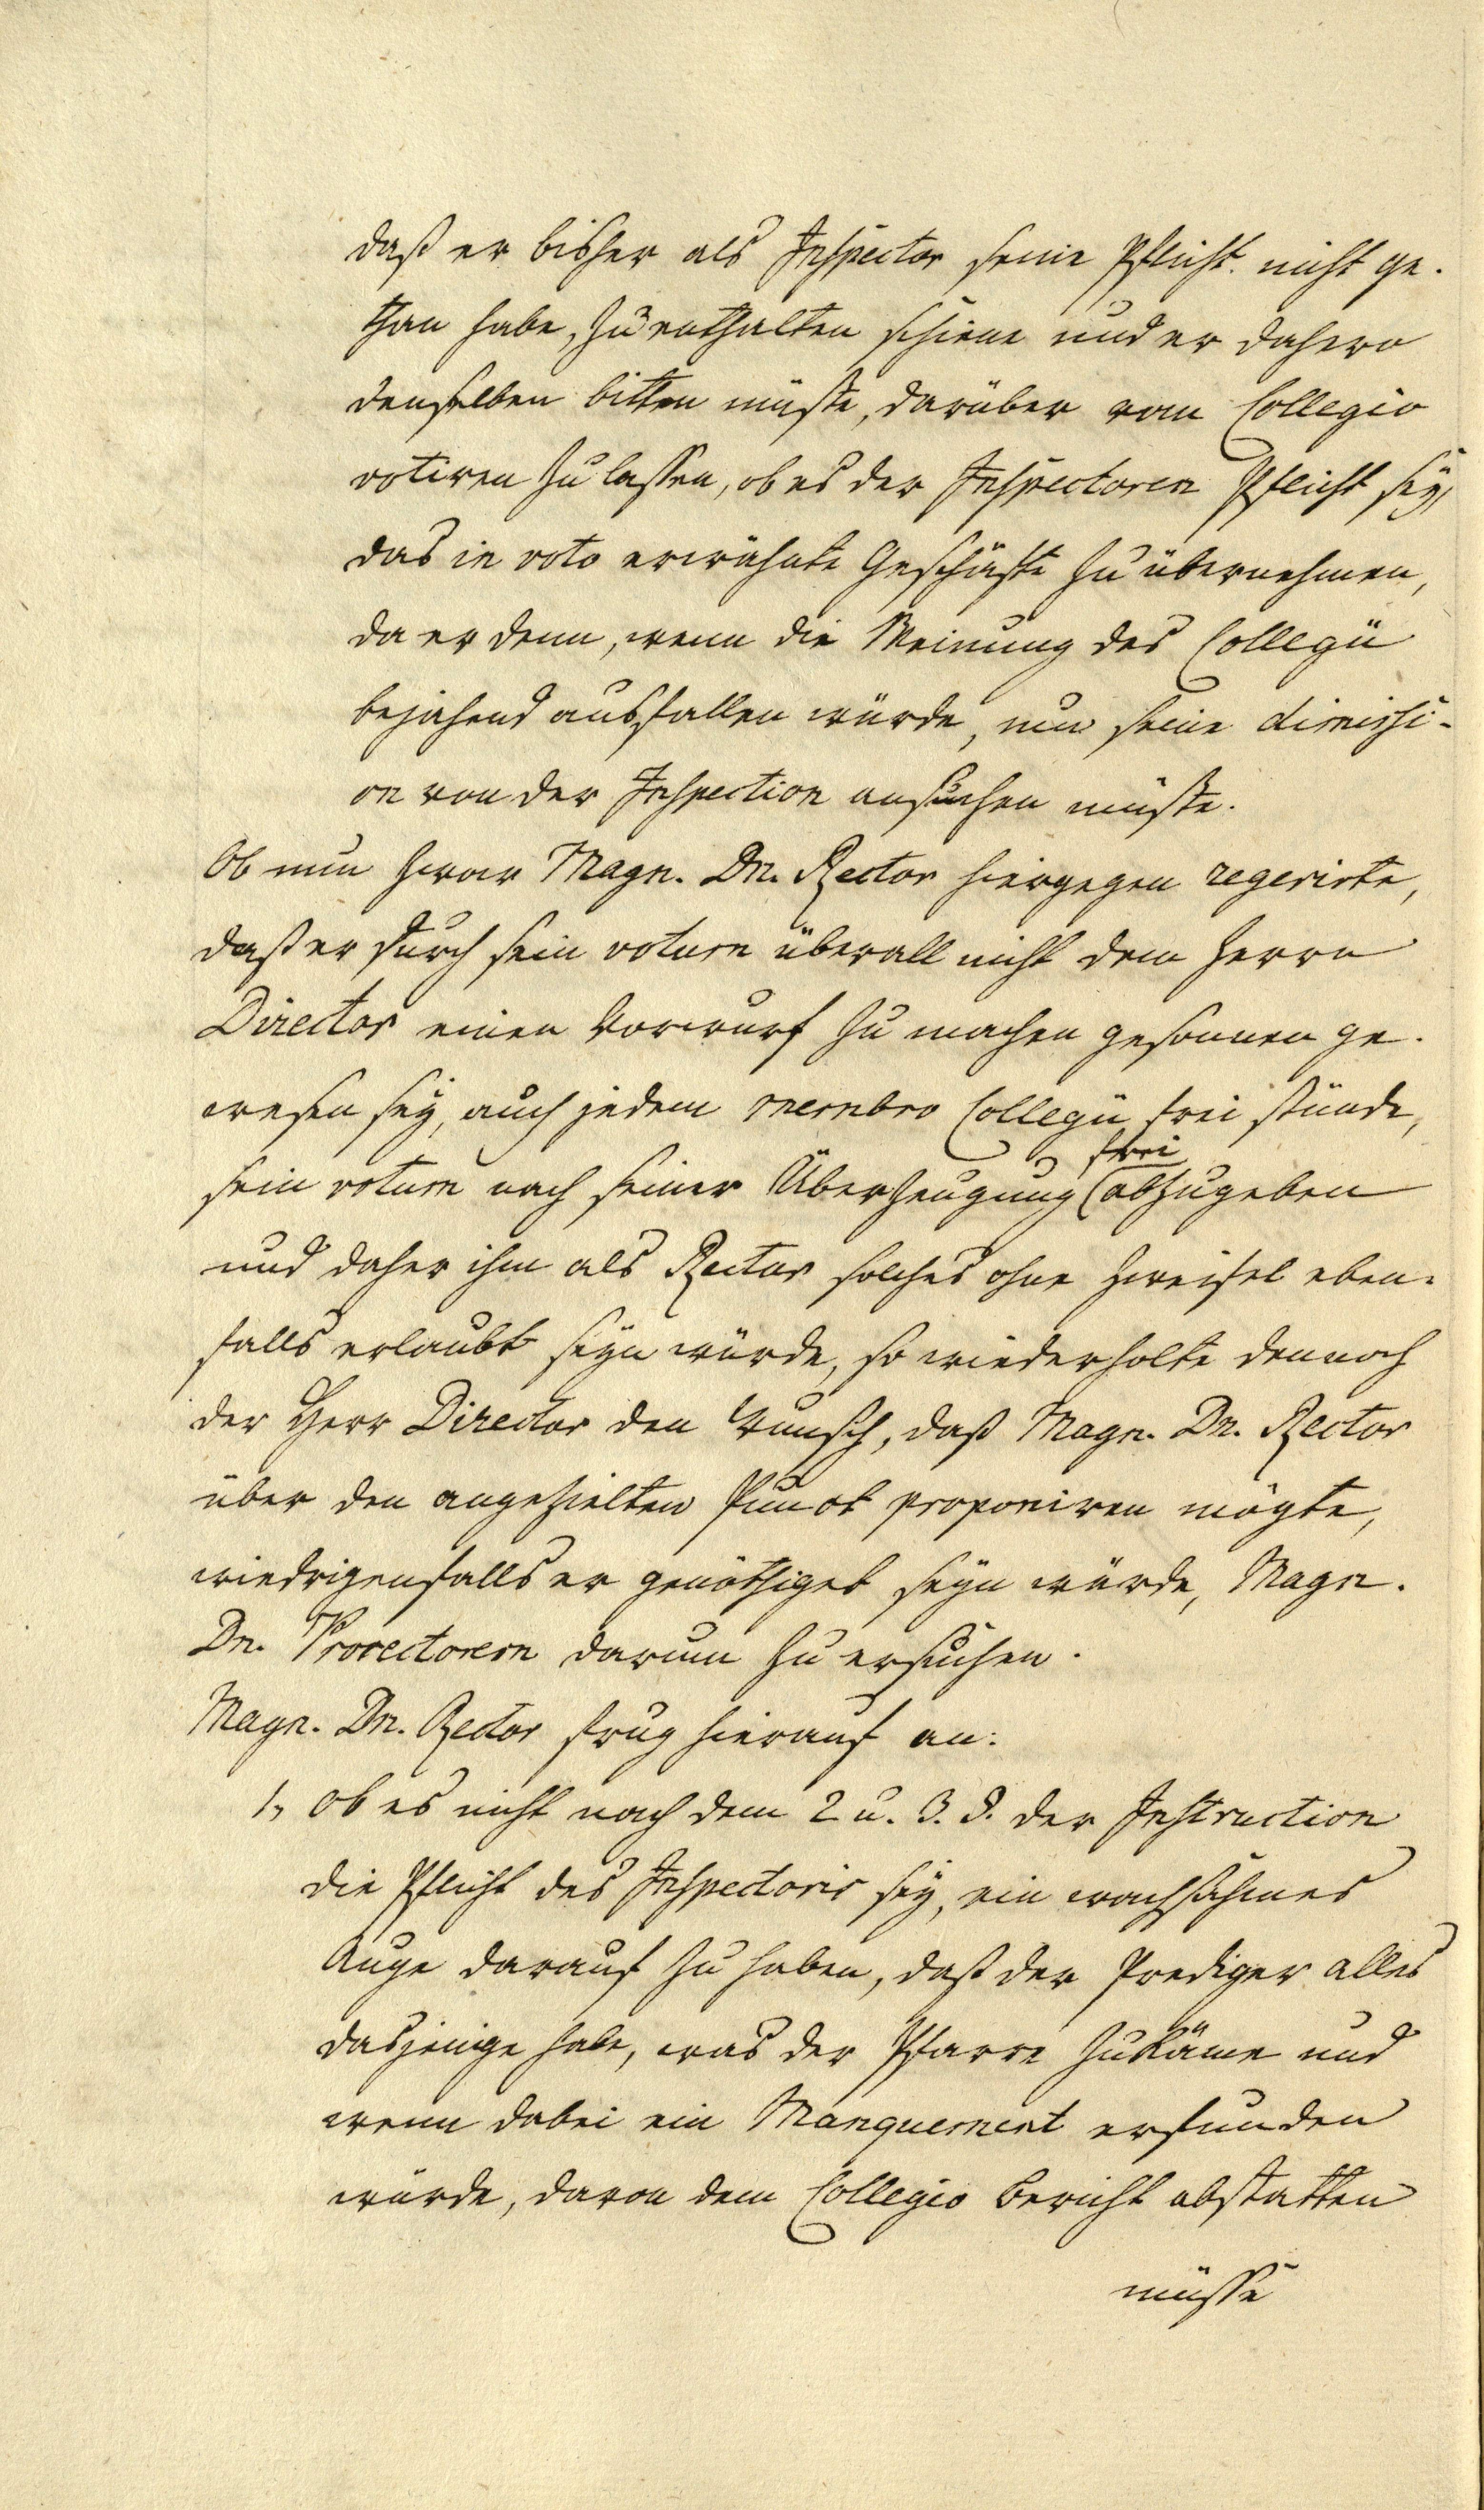daß er bisher als Inspector seine Pflicht nicht ge-
than habe, zu enthalten schiene und er dahero
denselben bitten müßte, darüber vom Collegio
votiren zu lassen, ob es der Inspectoren Pflicht sey,
das in voto erwähnte Geschäfte zu übernehmen,
da er denn, wenn die Meinung des collegii
bejahend ausfallen würde, um seine dimissi-
on von der Inspection ansuchen müßte.
Ob nun zwar Magn. Dn. Rector hiergegen regerirte,
daß er durch sein votum überall nicht dem herrn
Director einen Vorwurf zu machen gesonnen ge-
wesen sey, auch jedem membro Collegii frei stünde,
sein votum nach seiner Überzeugung abzugeben
und daher ihm als Rector solches ohne Zweifel eben-
falls erlaubt seyn würde, so wiederholte dennoch
der Herr Director den Wunsch, daß Magn. Dn. Rector
über den angezielten Punct proponiren mögte,
wiedrigenfalls er genöthiget seyn würde, Magn.
Dn. Prorectorem darum zu ersuchen.
Magn. Dn. Rector frug hierauf an:
1., ob es nicht nach dem 2 u. 3. § der Instruction
die Pflicht des Inspectoris sey, ein wachsahmes
Auge darauf zu haben, daß der Prediger alles
dasjenige habe, was der Pfarre zukäme und
wenn dabei ein Manquement erfunden
würde, davon dem Collegio Bericht abstatten
müsse